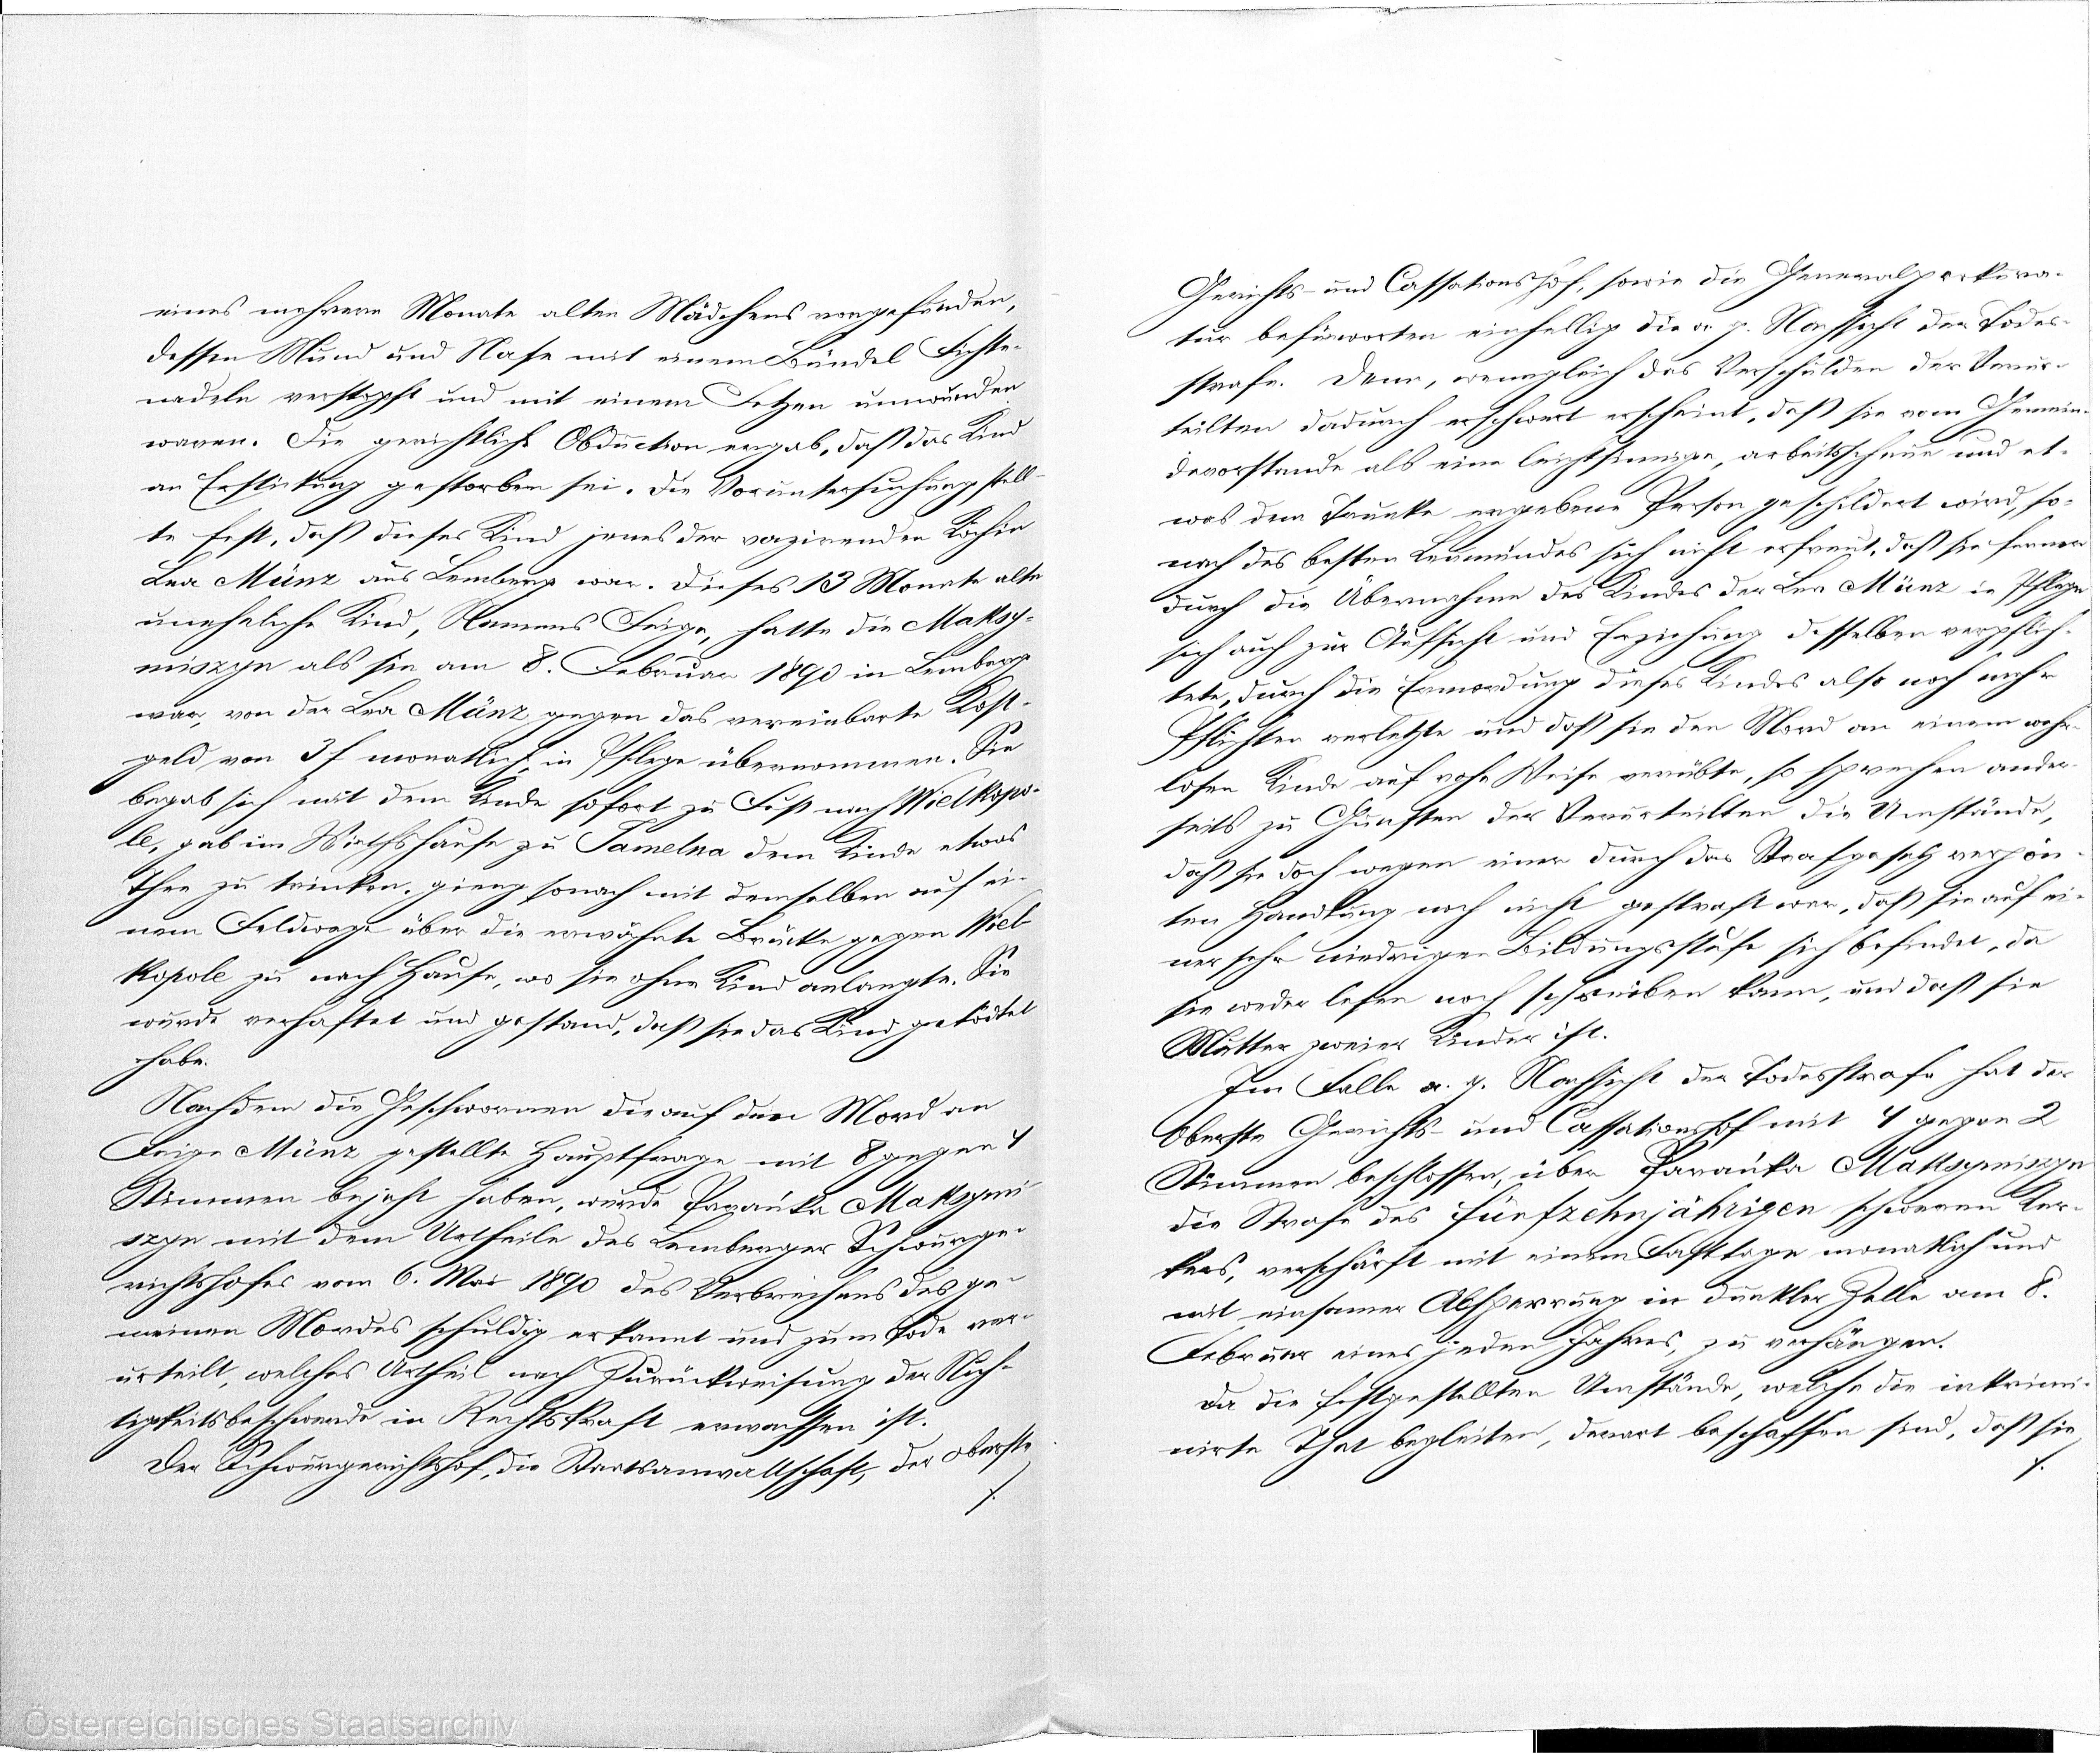eines mehrere Monate alten Mädchens vorgefunden,
dessen Mund und Nahe mit einem Bändel Fichte¬
nadeln verstopft und mit einem Fetzen umwunden
waren. Die gerichtlich Obduction ergab, daß das Kind
an Erstickung gestorben sei. Die Voruntersuchung stell¬
te fest, daß dieses Kind jenes der vorzirenden Köchin
Lea Münz aus Lemberg war. Dieses 13 Monate alte
uneheliche Kind, Namens Feige, hatte die Maksy¬
miszym als sie am 8. Februar 1890 in Lemberg
war, von der Lea Münz gegen das vereinbarte Kost¬
geld von 3f monatlich, in Pflege übernommen. Sie
begab sich mit dem Rinde sofort zu Fuß xx Wielkopo¬
le, gab im Wirthshause zu Tamelna dem Kinde etwas
Thee zu trinken, gieng sonach mit demselben auf ei¬
nem Feldwege über die erwähnte Brücke gegen Wieb
kopole zu nach Hause, wo sie ohne Kind anlangte. Sie
wurde verhaftet und gestand, daß sie das Kind getödtet
habe.
Nachdem die Geschwornen die auf den Mord an
Feige Münz gestellte Hauptfrage mit 8 gegen 4
Stimmen bejaht haben, wurde Parańka Maksym¬
szyn mit dem Urtheile des Lemberger Schwurge¬
richtshofes vom 6. Mai 1890 des Verbrechens des ge¬
meinen Mordes schuldig erkannt und zum Tode ver¬
urteilt, welches Urtheil nach Zurückweisung der Nich¬
tigkeitsbeschwerde in Rechtskraft erwachsen ist.
Der Schwurgerichtshof, die Staatsanwaltschaft, der oberste
Gerichs- und Cassationshof, sowie die Generalprokura¬
tur befürworten einhellig die a. g. Nachsicht der Todes¬
strafe. Denn, wenngleich das Verschulden der Verur¬
teilten dadurch erschwert erscheint, daß sie vom Gemein¬
devorstande als eine leichtsinnige, arbeitsscheue und et¬
was dem Trunke ergebene Person geschildert wird, so¬
nach des besten Leumundes sich nicht erfreut, daß sie ferner
durch die Übernahme des Kindes der Lea Münz in Pflege
sich auch zur Aufsicht und Erziehung desselben verpflich¬
tete, durch die Ermordung dieses Kindes also noch mehr
Pflichten verletzte und daß sie den Mord an einem wehr¬
losen Kinde auf rohe Weise verübte, so sprechen ander¬
seits zu Gunsten der Verurteilten die Umstände,
daß sie doch wegen einer durch das Strafgesetz verpön¬
ten Handlung noch nicht gestraft war, daß sie auf ei¬
ner sehr niedrigen Bildungsstufe sich befindet, da
sie weder lesen noch schreiben kann, um daß sie
Mutter zweier Kinder ist.
Jm Falle a. g. Nachsicht der Todesstrafe hat der
Oberste Gerichts- und Cassationshof mit 4 gegen 2
Stimmen beschlossen, über Parańka Maksymszyn
die Strafe des fünfzehnjährigen schweren Ker¬
kers, verschärft mit einem Fasttage monatlich und
mit einsamer Absperrung in dunkler Zelle am 8.
Februar eines jeder Jahres, zu verhängen.
Da die festestellten Umstände, welche die inkrimi¬
nirte That beyleiten, derart beschaffen sind, daß sie